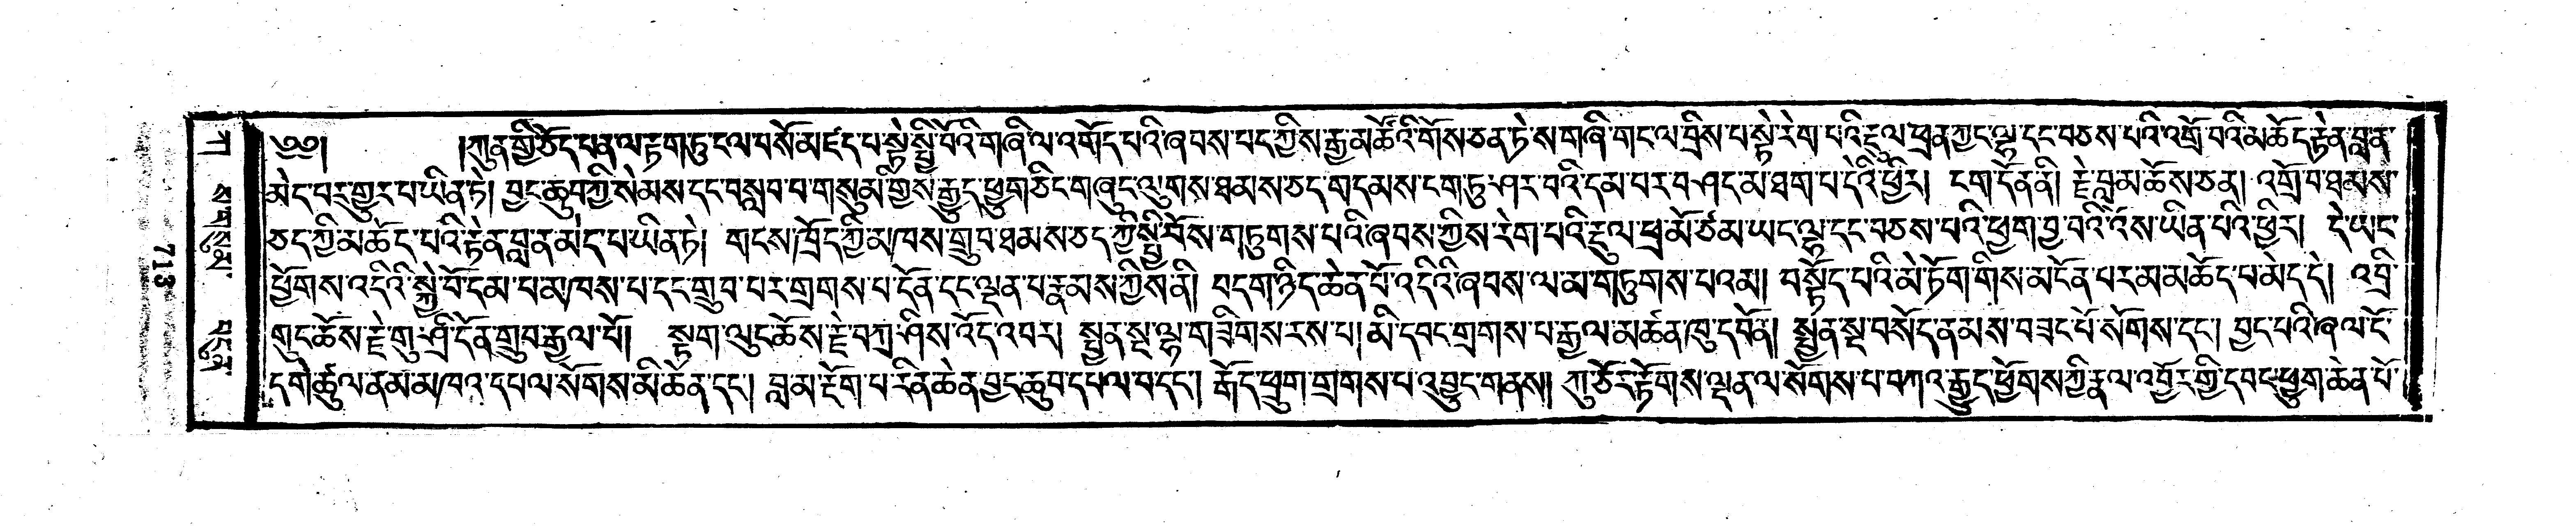༄༅། །ཀུན་གྱི་ཅོད་པན་ལ་རྟག་ཏུ་ངལ་བསོ་མཛད་པ་སྟེ་སྤྱི་བོའི་གཞི་ལ་འགོད་པའི་ཞབས་པད་ཀྱིས་རྒྱ་མཚོའི་གོས་ཅན་ཏེ་ས་གཞི་གང་ལ་བྲིས་པ་སྟེ་རེག་པའི་རྡུལ་ཕྲན་ཀྱང་ལྷ་དང་བཅས་པའི་འགྲོ་བའི་མཆོད་རྟེན་བླ་ན་
མེད་པར་གྱུར་པ་ཡིན་ཏེ། བྱང་ཆུབ་ཀྱི་སེམས་དང་བསླབ་པ་གསུམ་གྱིས་རྒྱུད་ཕྱུག་ཅིང་གཞུང་ལུགས་ཐམས་ཅད་གདམས་ངག་ཏུ་ཤར་བའི་དམ་པར་བཤད་མ་ཐག་པ་དེའི་ཕྱིར། ངག་དོན་ནི། རྗེ་བླ་མ་ཆོས་ཅན། འགྲོ་བ་ཐམས་
ཅད་ཀྱི་མཆོད་པའི་རྟེན་བླ་ན་མེད་པ་ཡིན་ཏེ། གངས་ཁྲོད་ཀྱི་མཁས་གྲུབ་ཐམས་ཅད་ཀྱི་སྤྱི་བོས་གཏུགས་པའི་ཞབས་ཀྱིས་རེག་པའི་རྡུལ་ཕྲ་མོ་ཙམ་ཡང་ལྷ་དང་བཅས་པའི་ཕྱག་བྱ་བའི་འོས་ཡིན་པའི་ཕྱིར། དེ་ཡང་
ཕྱོགས་འདིའི་སྐྱེ་བོ་དམ་པ་མཁས་པ་དང་གྲུབ་པར་གྲགས་པ་དོན་དང་ལྡན་པ་རྣམས་ཀྱིས་ནི། བདག་ཉིད་ཆེན་པོ་འདིའི་ཞབས་ལ་མ་གཏུགས་པའམ། བསྟོད་པའི་མེ་ཏོག་གིས་མངོན་པར་མ་མཆོད་པ་མེད་དེ། འབྲི་
གུང་ཆོས་རྗེ་གུ་ཤྲི་དོན་གྲུབ་རྒྱལ་པོ། སྟག་ལུང་ཆོས་རྗེ་བཀྲ་ཤིས་འོད་འབར། སྤྱན་སྔ་ལྷ་གཟིགས་རས་པ། མི་དབང་གྲགས་པ་རྒྱལ་མཚན་ཁུ་དབོན། སྤྱན་སྔ་བསོད་ནམས་བཟང་པོ་སོགས་དང་། བྱང་བའི་ཞལ་ངོ་
དགེ་ཚུལ་ནམ་མཁའ་དཔལ་སོགས་མི་ཆེན་དང་། བླ་མ་རྔོག་པ་རིན་ཆེན་བྱང་ཆུབ་དཔལ་བ་དང་། རྒོད་ཕྲུག་གྲགས་པ་འབྱུང་གནས། ཀུ་ཅོར་རྟོགས་ལྡན་ལ་སོགས་པ་བཀའ་རྒྱུད་ཕྱོགས་ཀྱི་རྣལ་འབྱོར་གྱི་དབང་ཕྱུག་ཆེན་པོ་